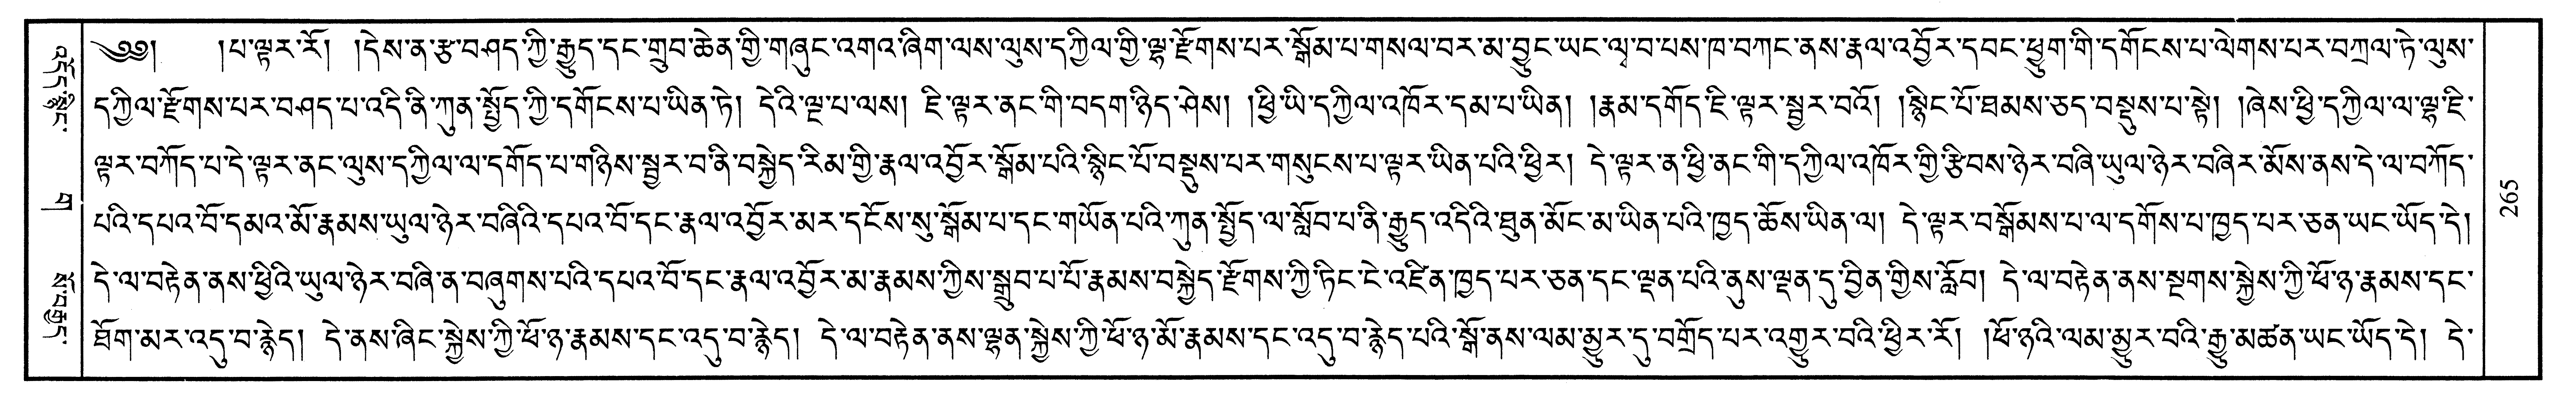༄༅། །པ་ལྟར་རོ། །དེས་ན་རྩ་བཤད་ཀྱི་རྒྱུད་དང་གྲུབ་ཆེན་གྱི་གཞུང་འགའ་ཞིག་ལས་ལུས་དཀྱིལ་གྱི་ལྷ་རྫོགས་པར་སྒོམ་པ་གསལ་བར་མ་བྱུང་ཡང་ལྭ་བ་པས་ཁ་བཀང་ནས་རྣལ་འབྱོར་དབང་ཕྱུག་གི་དགོངས་པ་ལེགས་པར་བཀྲལ་ཏེ་ལུས་
དཀྱིལ་རྫོགས་པར་བཤད་པ་འདི་ནི་ཀུན་སྤྱོད་ཀྱི་དགོངས་པ་ཡིན་ཏེ། དེའི་ལྔ་པ་ལས། ཇི་ལྟར་ནང་གི་བདག་ཉིད་ཤེས། །ཕྱི་ཡི་དཀྱིལ་འཁོར་དམ་པ་ཡིན། །རྣམ་དགོད་ཇི་ལྟར་སྦྱར་བའོ། །སྙིང་པོ་ཐམས་ཅད་བསྡུས་པ་སྟེ། །ཞེས་ཕྱི་དཀྱིལ་ལ་ལྷ་ཇི་
ལྟར་བཀོད་པ་དེ་ལྟར་ནང་ལུས་དཀྱིལ་ལ་དགོད་པ་གཉིས་སྦྱར་བ་ནི་བསྐྱེད་རིམ་གྱི་རྣལ་འབྱོར་སྒོམ་པའི་སྙིང་པོ་བསྡུས་པར་གསུངས་པ་ལྟར་ཡིན་པའི་ཕྱིར། དེ་ལྟར་ན་ཕྱི་ནང་གི་དཀྱིལ་འཁོར་གྱི་རྩིབས་ཉེར་བཞི་ཡུལ་ཉེར་བཞིར་མོས་ནས་དེ་ལ་བཀོད་
པའི་དཔའ་བོ་དམའ་མོ་རྣམས་ཡུལ་ཉེར་བཞིའི་དཔའ་བོ་དང་རྣལ་འབྱོར་མར་དངོས་སུ་སྒོམ་པ་དང་གཡོན་པའི་ཀུན་སྤྱོད་ལ་སློབ་པ་ནི་རྒྱུད་འདིའི་ཐུན་མོང་མ་ཡིན་པའི་ཁྱད་ཆོས་ཡིན་ལ། དེ་ལྟར་བསྒོམས་པ་ལ་དགོས་པ་ཁྱད་པར་ཅན་ཡང་ཡོད་དེ།
དེ་ལ་བརྟེན་ནས་ཕྱིའི་ཡུལ་ཉེར་བཞི་ན་བཞུགས་པའི་དཔའ་བོ་དང་རྣལ་འབྱོར་མ་རྣམས་ཀྱིས་སྒྲུབ་པ་པོ་རྣམས་བསྐྱེད་རྫོགས་ཀྱི་ཏིང་ངེ་འཛིན་ཁྱད་པར་ཅན་དང་ལྡན་པའི་ནུས་ལྡན་དུ་བྱིན་གྱིས་རློབ། དེ་ལ་བརྟེན་ནས་སྔགས་སྐྱེས་ཀྱི་ཕོ་ཉ་རྣམས་དང་
ཐོག་མར་འདུ་བ་རྙེད། དེ་ནས་ཞིང་སྐྱེས་ཀྱི་ཕོ་ཉ་རྣམས་དང་འདུ་བ་རྙེད། དེ་ལ་བརྟེན་ནས་ལྷན་སྐྱེས་ཀྱི་ཕོ་ཉ་མོ་རྣམས་དང་འདུ་བ་རྙེད་པའི་སྒོ་ནས་ལམ་མྱུར་དུ་བགྲོད་པར་འགྱུར་བའི་ཕྱིར་རོ། །ཕོ་ཉའི་ལམ་མྱུར་བའི་རྒྱུ་མཚན་ཡང་ཡོད་དེ། དེ་